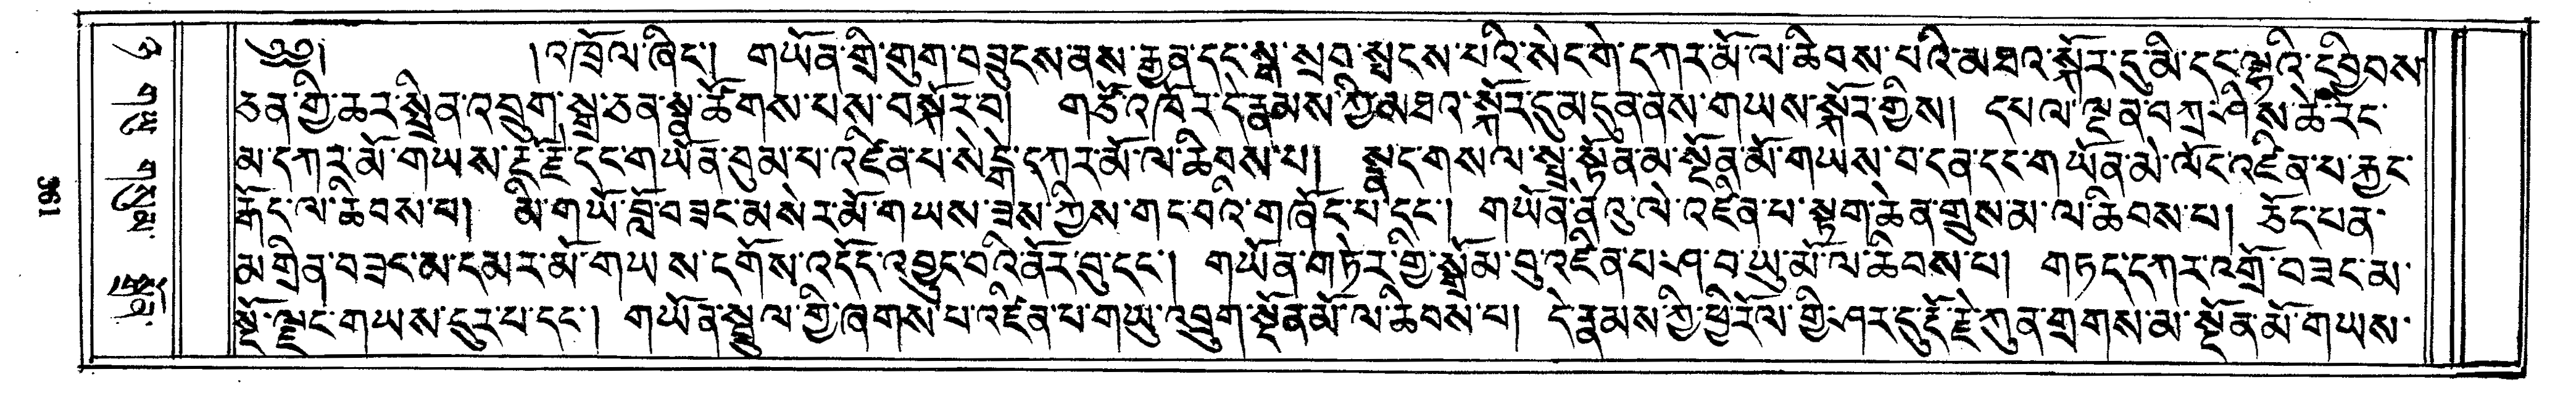༄༅། །འཁྲོལ་ཞིང་། གཡོན་གྲི་གུག་བཟུངས་ནས་རྒྱན་དང་སྒ་སྲབ་སྤངས་པའི་སེང་གེ་དཀར་མོ་ལ་ཆིབས་པའི་མཐའ་སྐོར་དུ་མི་དང་ལྷའི་དབྱིབས་
ཅན་གྱི་ཆར་སྤྲིན་འབྲུག་སྒྲ་ཅན་སྣ་ཚོགས་པས་བསྐོར་བ། གཙོ་འཁོར་དེ་རྣམས་ཀྱི་མཐའ་སྐོར་དུ་མདུན་ནས་གཡས་སྐོར་གྱིས། དཔལ་ལྡན་བཀྲ་ཤིས་ཚེ་རིང་
མ་དཀར་མོ་གཡས་རྡོ་རྗེ་དང་གཡོན་བུམ་པ་འཛིན་པ་སེངྒེ་དཀར་མོ་ལ་ཆིབས་པ། སྣང་གསལ་སྦྲ་སྟོན་མ་སྔོན་མོ་གཡས་བ་དན་དང་གཡོན་མེ་ལོང་འཛིན་པ་རྐྱང་
རྒོད་ལ་ཆིབས་པ། མི་གཡོ་བློ་བཟང་མ་སེར་མོ་གཡས་ཟས་ཀྱིས་གང་བའི་གཞོད་པ་དང་། གཡོན་ནེའུ་ལེ་འཛིན་པ་སྟག་ཆེན་གྲུས་མ་ལ་ཆིབས་པ། ཅོད་པན་
མགྲིན་བཟང་མ་དམར་མོ་གཡས་དགོས་འདོད་འབྱུང་བའི་ནོར་བུ་དང་། གཡོན་གཏེར་གྱི་སྒྲོམ་བུ་འཛིན་བ་ཤ་བ་ཡུ་མོ་ལ་ཆིབས་པ། གཏད་དཀར་འགྲོ་བཟང་མ་
སྔོ་ལྗང་གཡས་དུར་པ་དང་། གཡོན་སྦྲུལ་གྱི་ཞགས་པ་འཛིན་པ་གཡུ་འབྲུག་སྔོན་མོ་ལ་ཆིབས་པ། དེ་རྣམས་ཀྱི་ཕྱི་རོལ་གྱི་ཤར་དུ་རྡོ་རྗེ་ཀུན་གྲགས་མ་སྔོན་མོ་གཡས་